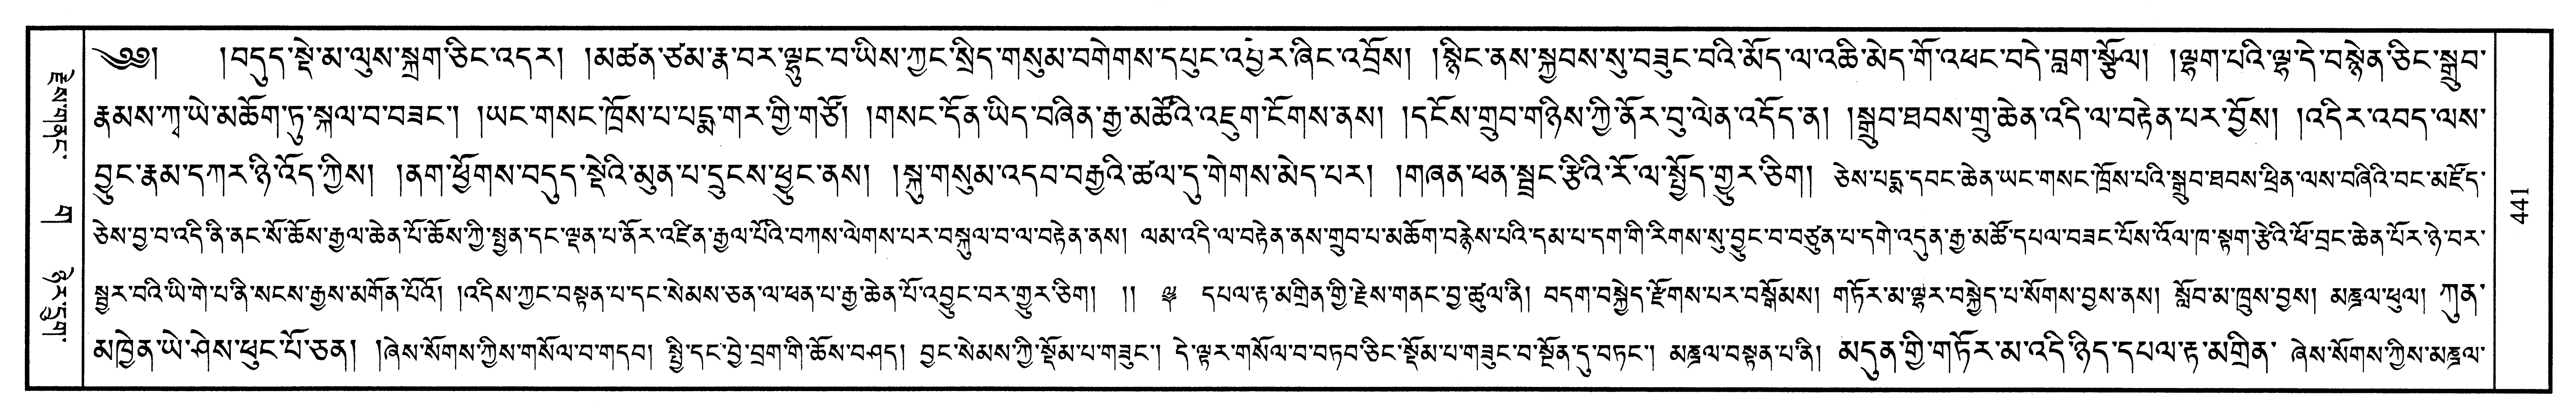༄༅། །བདུད་སྡེ་མ་ལུས་སྐྲག་ཅིང་འདར། །མཚན་ཙམ་རྣ་བར་ལྷུང་བ་ཡིས་ཀྱང་སྲིད་གསུམ་བགེགས་དཔུང་འབྱེར་ཞིང་འབྲོས། །སྙིང་ནས་སྐྱབས་སུ་བཟུང་བའི་མོད་ལ་འཆི་མེད་གོ་འཕང་བདེ་བླག་སྩོལ། །ལྷག་པའི་ལྷ་དེ་བསྙེན་ཅིང་སྒྲུབ་
རྣམས་ཀྭ་ཡེ་མཆོག་ཏུ་སྐལ་བ་བཟང་། །ཡང་གསང་ཁྲོས་པ་པདམ་གར་གྱི་གཙོ། །གསང་དོན་ཡིད་བཞིན་རྒྱ་མཚོའི་འཇུག་ངོགས་ནས། །དངོས་གྲུབ་གཉིས་ཀྱི་ནོར་བུ་ལེན་འདོད་ན། །སྒྲུབ་ཐབས་གྲུ་ཆེན་འདི་ལ་བརྟེན་པར་བྱོས། །འདིར་འབད་ལས་
བྱུང་རྣམ་དཀར་ཉི་འོད་ཀྱིས། །ནག་ཕྱོགས་བདུད་སྡེའི་མུན་པ་དྲུངས་ཕྱུང་ནས། །སྐུ་གསུམ་འདབ་བརྒྱའི་ཚལ་དུ་གེགས་མེད་པར། །གཞན་ཕན་སྦྲང་རྩིའི་རོ་ལ་སྤྱོད་གྱུར་ཅིག། ཅེས་པདམ་དབང་ཆེན་ཡང་གསང་ཁྲོས་པའི་སྒྲུབ་ཐབས་ཕྲིན་ལས་བཞིའི་བང་མཛོད་
ཅེས་བྱ་བ་འདི་ནི་ནང་སོ་ཆོས་རྒྱལ་ཆེན་པོ་ཆོས་ཀྱི་སྤྱན་དང་ལྡན་པ་ནོར་འཛིན་རྒྱལ་པོའི་བཀས་ལེགས་པར་བསྐུལ་བ་ལ་བརྟེན་ནས། ལམ་འདི་ལ་བརྟེན་ནས་གྲུབ་པ་མཆོག་བརྙེས་པའི་དམ་པ་དག་གི་རིགས་སུ་བྱུང་བ་བཙུན་པ་དགེ་འདུན་རྒྱ་མཚོ་དཔལ་བཟང་པོས་འོལ་ཁ་སྟག་རྩེའི་ཕོ་བྲང་ཆེན་པོར་ཉེ་བར་
སྦྱར་བའི་ཡི་གེ་པ་ནི་སངས་རྒྱས་མགོན་པོའོ། །འདིས་ཀྱང་བསྟན་པ་དང་སེམས་ཅན་ལ་ཕན་པ་རྒྱ་ཆེན་པོ་འབྱུང་བར་གྱུར་ཅིག། །། ༈ དཔལ་རྟ་མགྲིན་གྱི་རྗེས་གནང་བྱ་ཚུལ་ནི། བདག་བསྐྱེད་རྫོགས་པར་བསྒོམས། གཏོར་མ་ལྷར་བསྐྱེད་པ་སོགས་བྱས་ནས། སློབ་མ་ཁྲུས་བྱས། མཎྜལ་ཕུལ། ཀུན་
མཁྱེན་ཡེ་ཤེས་ཕུང་པོ་ཅན། །ཞེས་སོགས་ཀྱིས་གསོལ་བ་གདབ། སྤྱི་དང་བྱེ་བྲག་གི་ཆོས་བཤད། བྱང་སེམས་ཀྱི་སྡོམ་པ་གཟུང་། དེ་ལྟར་གསོལ་བ་བཏབ་ཅིང་སྡོམ་པ་གཟུང་བ་སྔོན་དུ་བཏང་། མཎྜལ་བསྟན་པ་ནི། མདུན་གྱི་གཏོར་མ་འདི་ཉིད་དཔལ་རྟ་མགྲིན་ཞེས་སོགས་ཀྱིས་མཎྜལ་